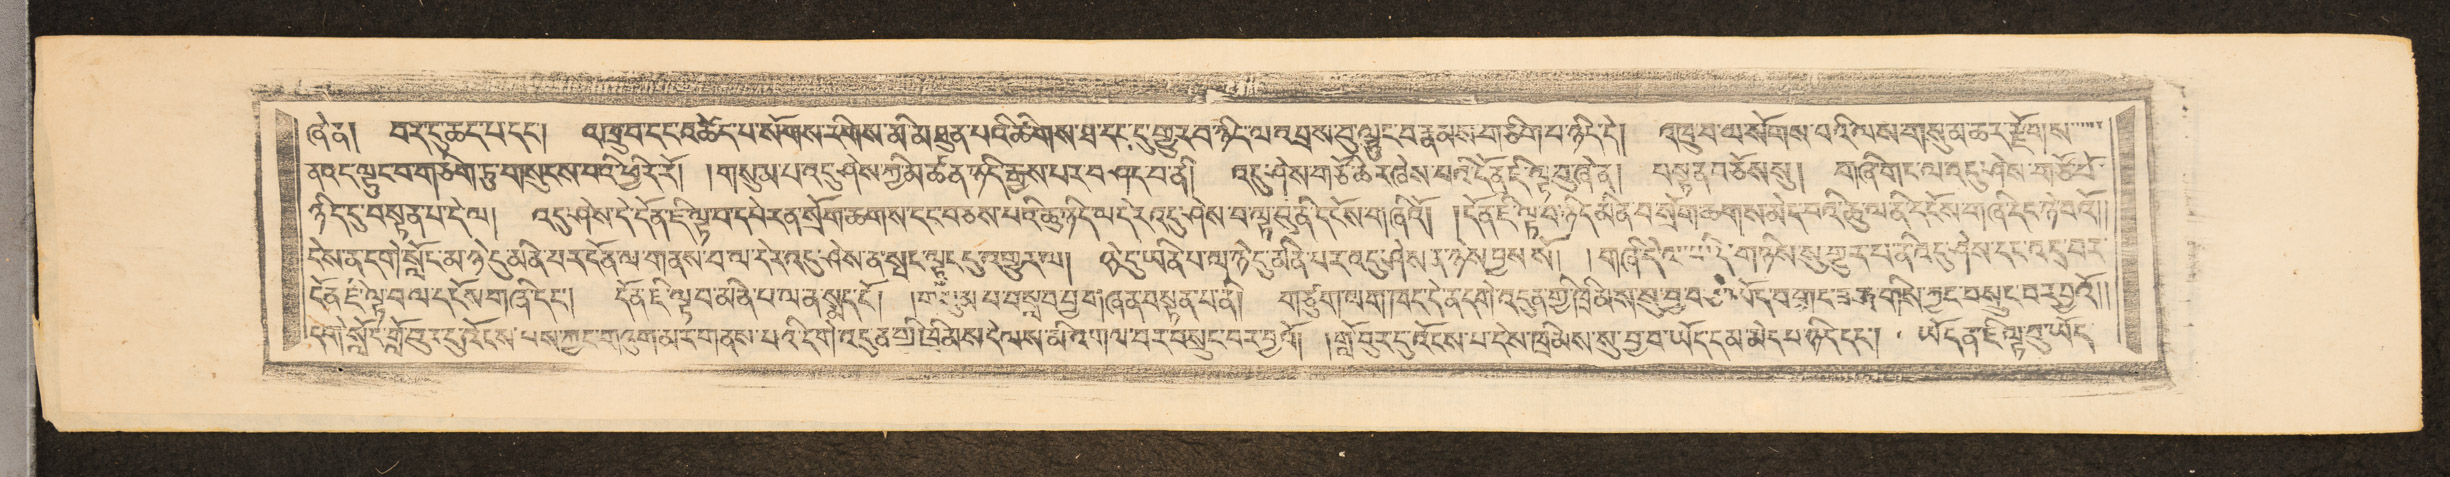ཞེ་ན། བར་དུ་ཆད་པ་དང་། འཁྲུ་བ་དང་འཚེད་པ་སོགས་རིགས་མི་མཐུན་པའི་ཚིགས་ཐ་དད་དུ་གྱུར་བ་ཉིད་ལ་འབྲས་བུ་ལྟུང་བ་རྣམས་གཅིག་པ་ཉིད་དེ། འཁྲུ་བ་ལ་སོགས་པའི་ལས་གསུམ་ཆར་རྫོགས་
ནའང་ལྟུང་བ་གཅིག་ཏུ་གསུངས་པའི་ཕྱིར་རོ། །གསུམ་པ་འདུ་ཤེས་ཀྱི་མཚན་ཉིད་རྒྱས་པར་བཤད་པ་ནི། འདུ་ཤེས་གཙོ་ཆེར་ཞེས་པའི་དོན་ཇི་ལྟ་བུ་ཞེ་ན། བསྟན་བཅོས་སུ། གཞི་གང་ལ་འདུ་ཤེས་གཙོ་བོ་
ཉིད་དུ་བསྟན་པ་དེ་ལ། འདུ་ཤེས་དེ་དོན་ཇི་ལྟ་བ་དཔེར་ན་སྲོག་ཆགས་དང་བཅས་པའི་ཆུ་ཉིད་ལ་དེར་འདུ་ཤེས་པ་ལྟ་བུ་ནི་དངོས་གཞིའོ། །དོན་ཇི་ལྟ་བ་ཉིད་མིན་པ་སྲོག་ཆགས་མེད་པའི་ཆུ་ལ་ནི་དངོས་གཞི་དང་ཉེ་བའོ།།
དེས་ན་དགེ་སློང་མ་ཉེ་དུ་མིན་པར་དོན་ལ་གནས་པ་ལ་དེར་འདུ་ཤེས་ན་སྤང་ལྟུང་དུ་འགྱུར་ལ། ཉེ་དུ་ཡིན་པ་ལ་ཉེ་དུ་མིན་པར་འདུ་ཤེས་ན་ཉེས་བྱས་སོ། །གཞི་དེ་ལ་ཡིད་གཉིས་སུ་གྱུར་པ་ནི་འདུ་ཤེས་དང་འདྲ་བར་
དོན་ཇི་ལྟ་བ་ལ་དངོས་གཞི་དང་། དོན་ཇི་ལྟ་བ་མིན་པ་ལ་ན་སྨད་དོ། །གསུམ་པ་བསླབ་བྱ་གཞན་བསྟན་པ་ནི། གཙུག་ལག་ཁང་དེ་ན་དགེ་འདུན་གྱི་ཁྲིམས་སུ་བྱ་བ་ཅི་ཡོད་པ་གང་ཟག་གིས་ཀྱང་བསྲུང་བར་བྱའོ། །
དགེ་སློང་གློ་བུར་དུ་འོངས་པས་ཀྱང་གཉུག་མར་གནས་པའི་དགེ་འདུན་གྱི་ཁྲིམས་དེ་ལས་མི་འགལ་བར་བསྲུང་བར་བྱའོ། །གློ་བུར་དུ་འོངས་པ་དེས་ཁྲིམས་སུ་བྱ་བ་ཡོད་དམ་མེད་པ་ཉིད་དང་། ཡོད་ན་ཇི་ལྟ་བུ་ཡོད་